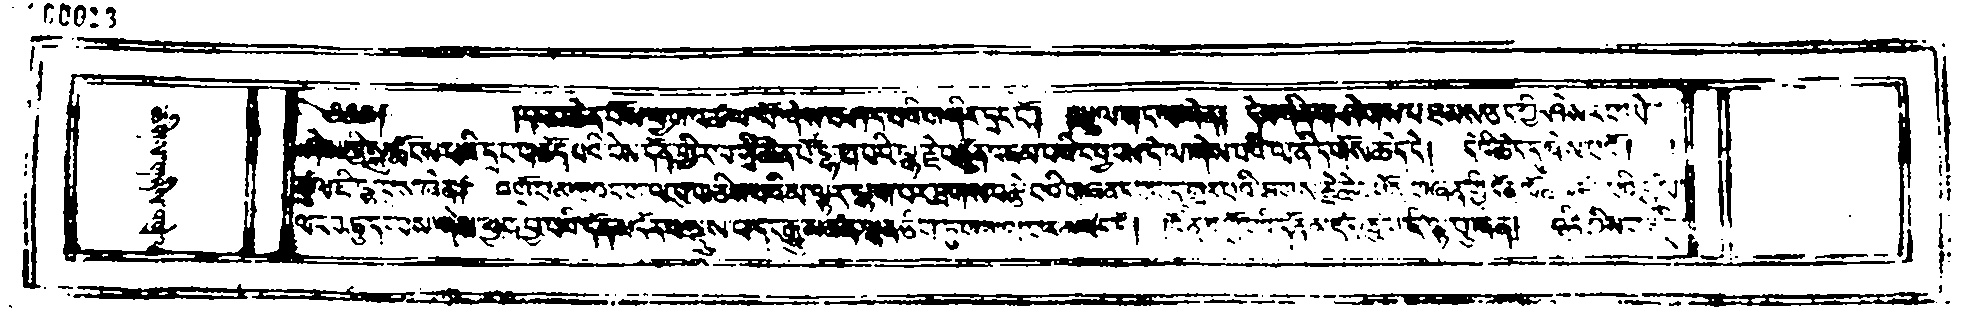༄༅༅། །དང་བ་ཆེན་པོས་ཕྱག་འཚལ་ལོ་ཞེས་བཤད་པའི་གཞིར་དྲང་ངོ། །ཡུལ་གང་ལ་ཞེ་ན། དེ་བཞིན་གཤེགས་པ་ཐམས་ཅད་ཀྱི་ཤེས་རབ་ཡེ་
ཤེས་ཀྱི་སྐུ་རྨོངས་པའི་དྲ་བ་གཅོད་པའི་ངེས་དོན་གྱི་རལ་གྲི་ཆེན་པོ་ལྷག་པའི་ལྷ་རྗེ་བཙུན་འཇམ་པའི་དབྱངས་དེ་ལ་ཞེས་པའི་ལ་ནི་དགོས་ཆེད་དེ། དེའི་ཆེད་དུ་ཞེས་པའོ། །
ཚུལ་ཇི་ལྟ་བུས་ཞེ་ན། འགྲོ་བ་མཐའ་དག་ལ་བུ་གཅིག་པའི་མ་ལྟར་ལྷག་པར་ཐུགས་བརྩེ་བའི་གཞན་དབང་དུ་གྱུར་པའི་ཐུགས་རྗེ་ཆེན་པོས་གཞན་གྱི་དོན་ཁོ་ན་མཛད་པའི་ཚུལ་
ལ་རབ་ཏུ་དང་བས་ཞེས་ཕྱག་བྱ་བའི་དོན་མདོར་བསྡུས་པ་དང་རྒྱུ་མཚན་ལྷན་ཅིག་ཏུ་གསལ་བར་མཛད་དོ། །འོ་ན་འགྲོ་བའི་དོན་མཛད་ཚུལ་ཇི་ལྟ་བུ་ཞེ་ན། ཉིད་ཀྱིས་གཟིགས་